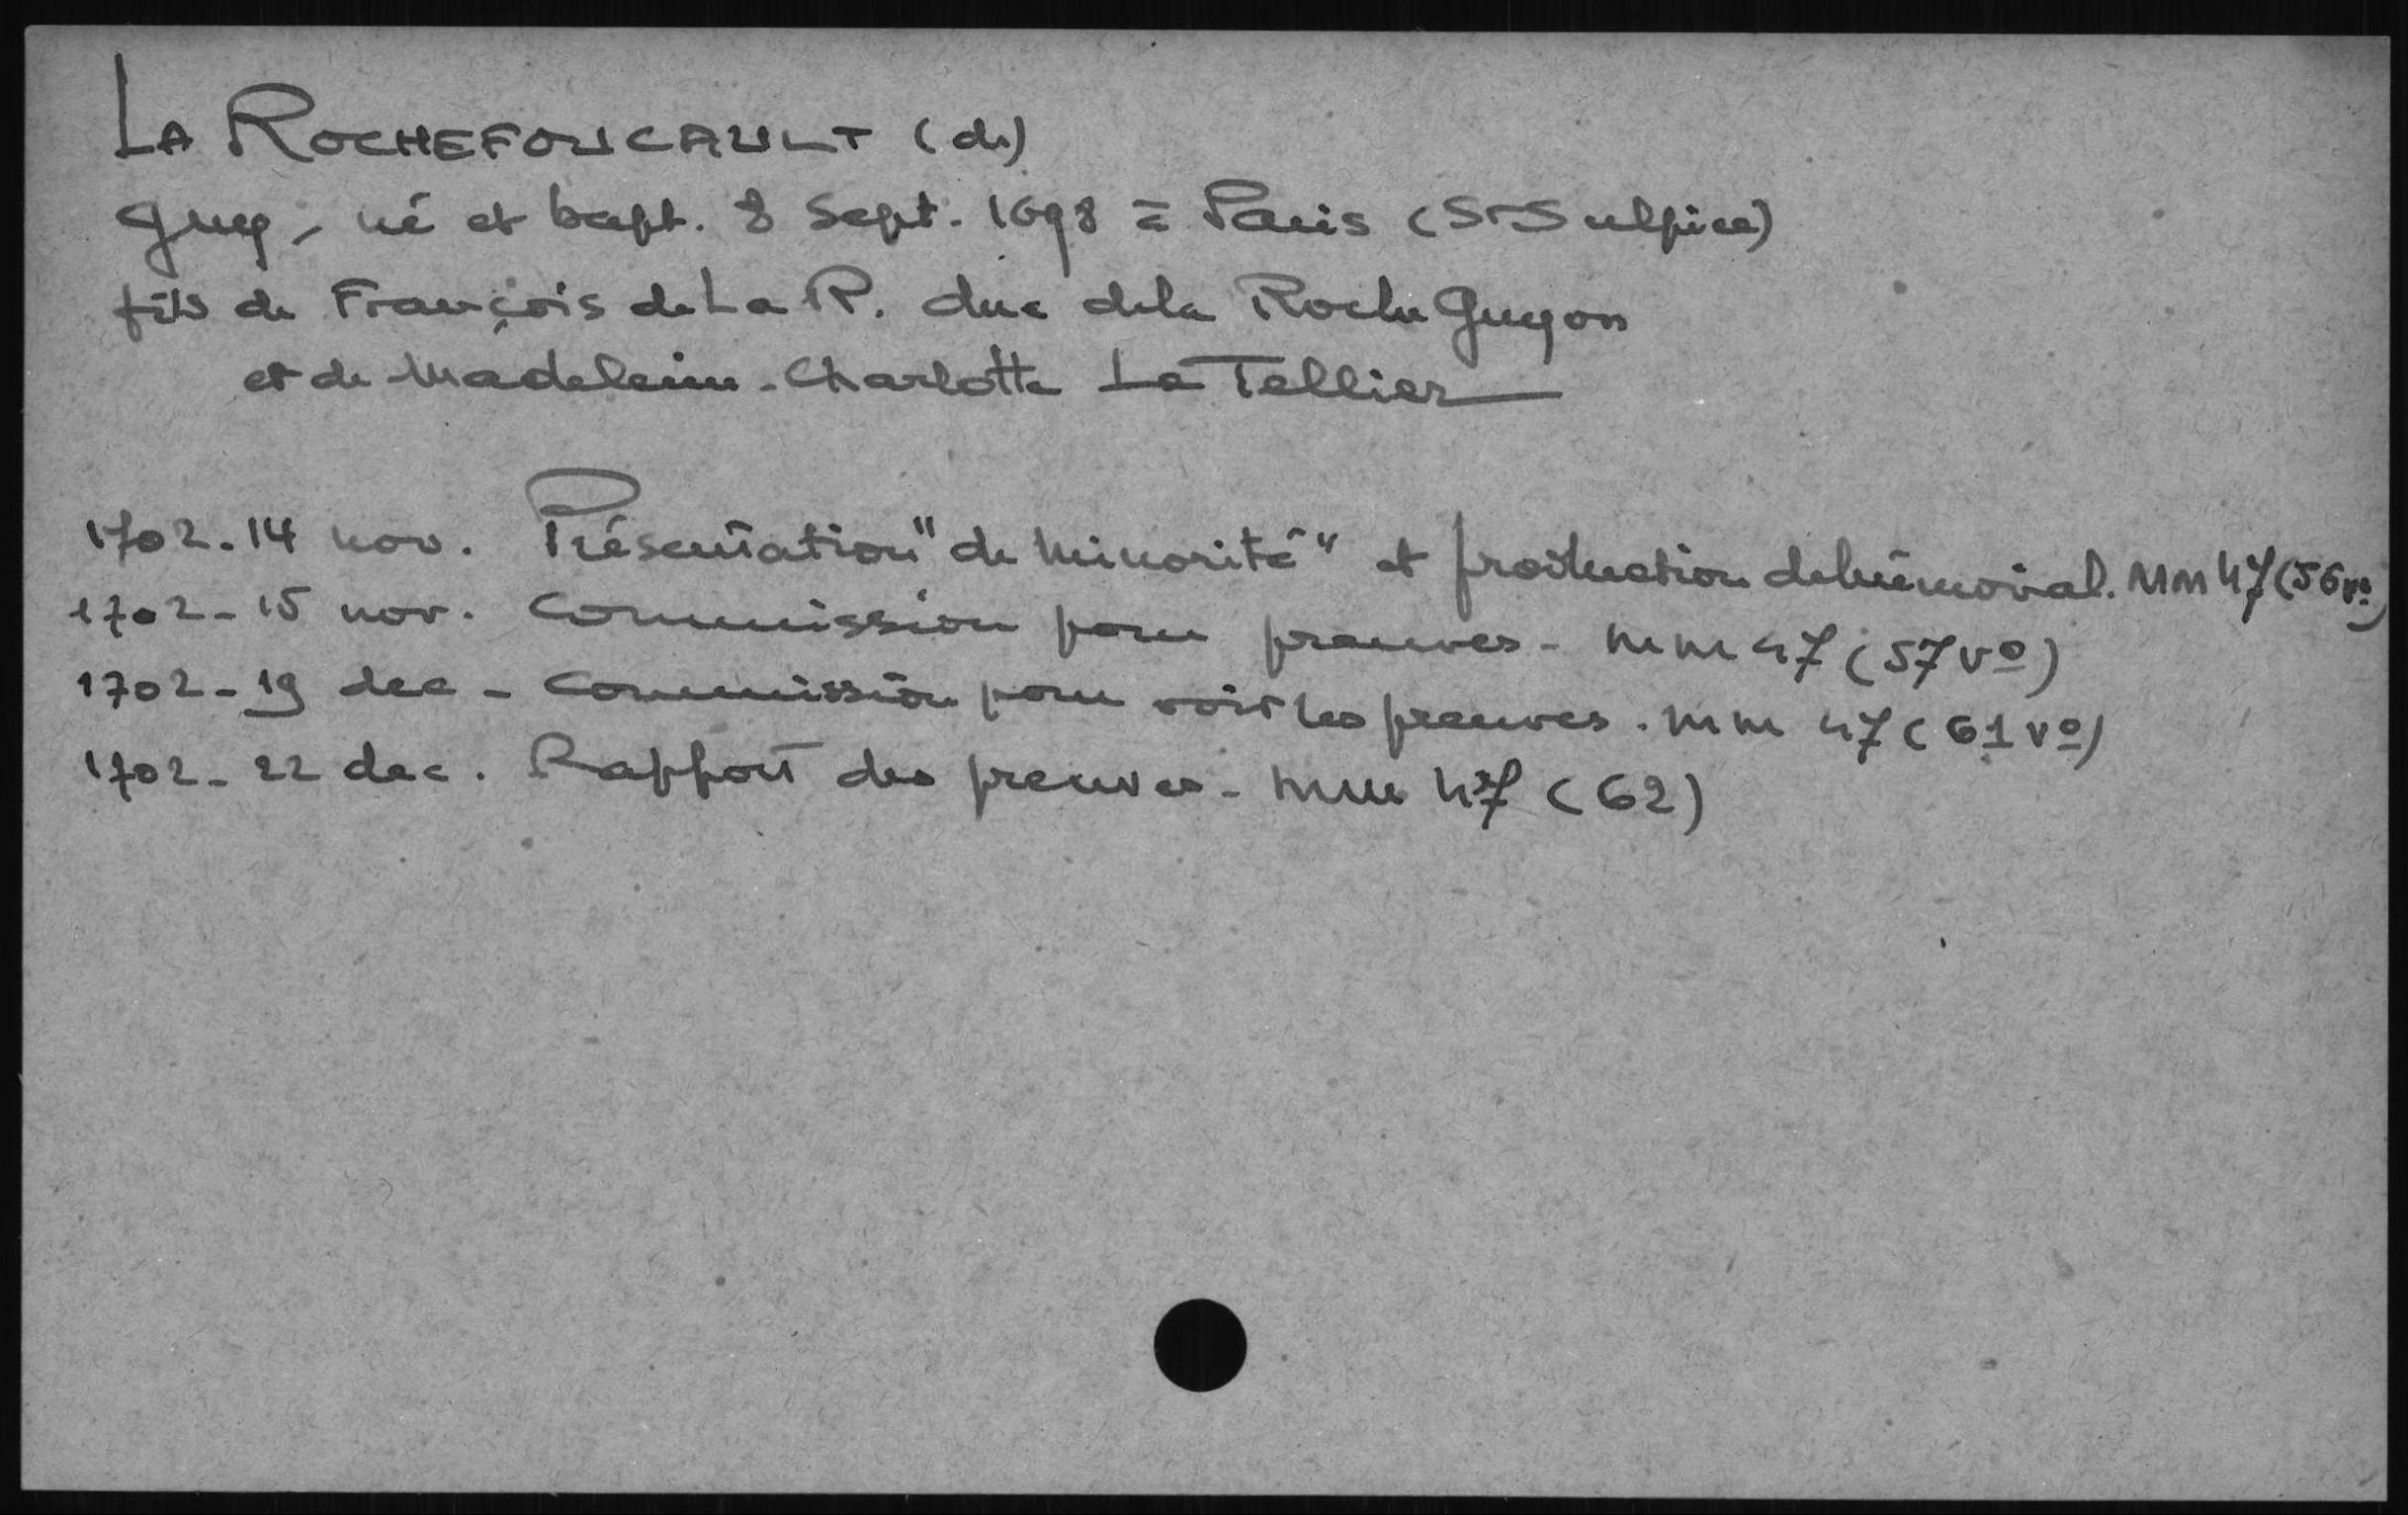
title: LA ROCHEFOUCAULT Guy, né et baptisé 8 septembre 1698 à Paris (St Sulpice) fils de François de La R. duc de La Roche Guyon et de Madeleine-Charlotte Le Tellier
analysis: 1702, 14 novembre Présentation "de minorité" et production de mémorial. MM 47 (56v) 1702, 15 novembre Commission pour preuves. MM 47 (57v) 1702, 19 décembre Commission pour voir les preuves. MM 47 (61v) 1702, 22 décembre Rapport des preuves. MM 47 (62)
